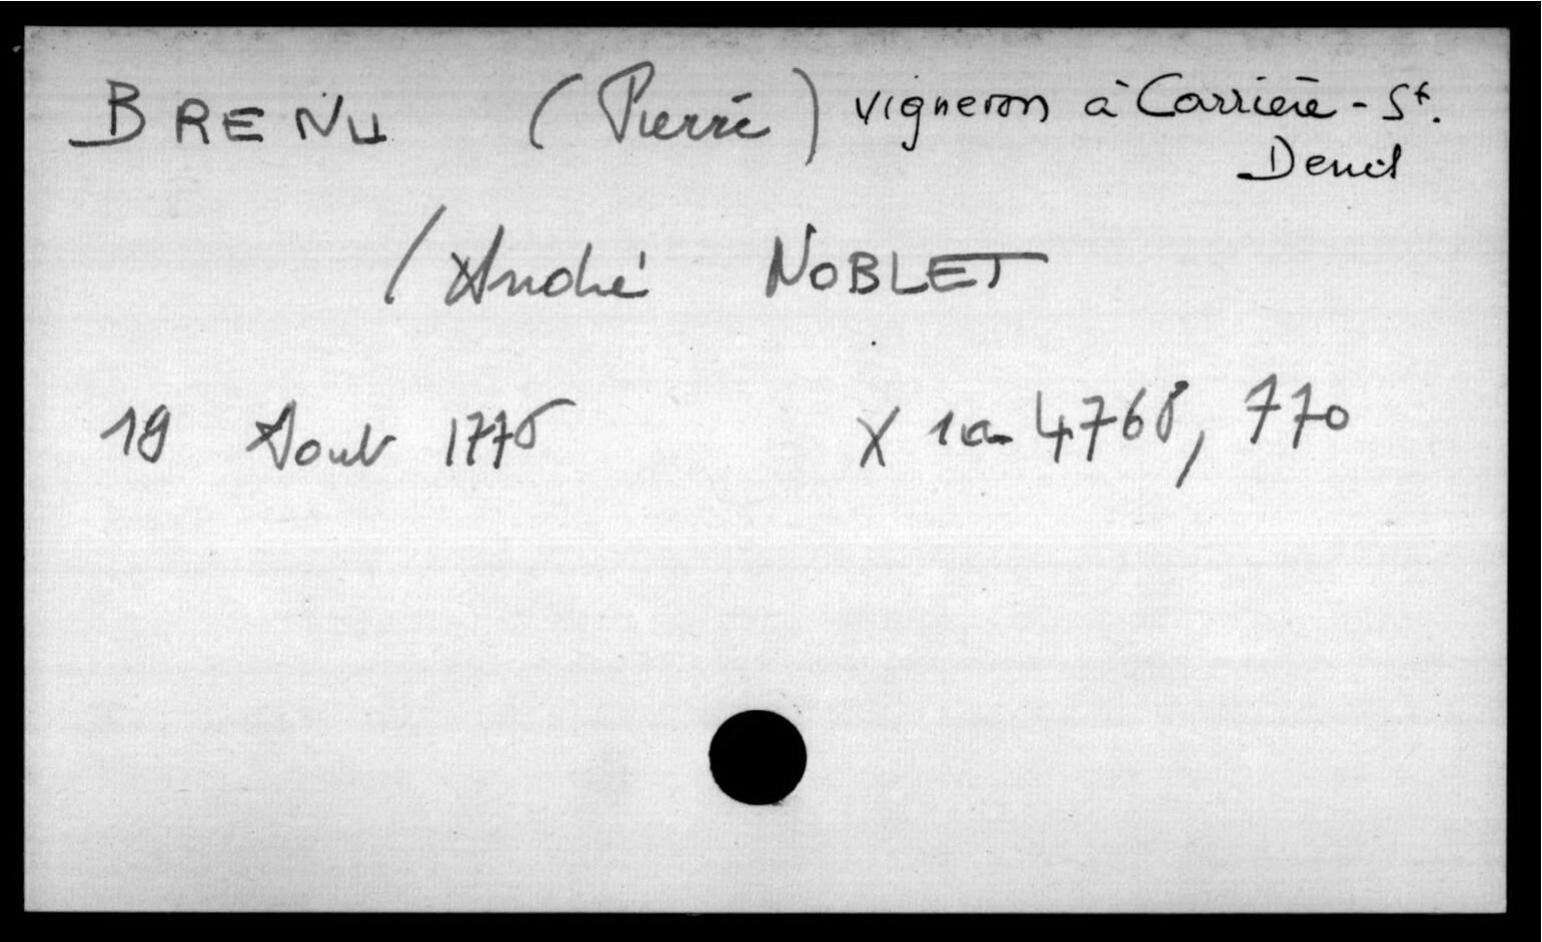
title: BRENU (Pierre) Vigneron à Carrière-Saint-Denis
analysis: Contre André NOBLET
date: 19 août 1775
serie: X1a
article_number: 4768
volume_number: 770
